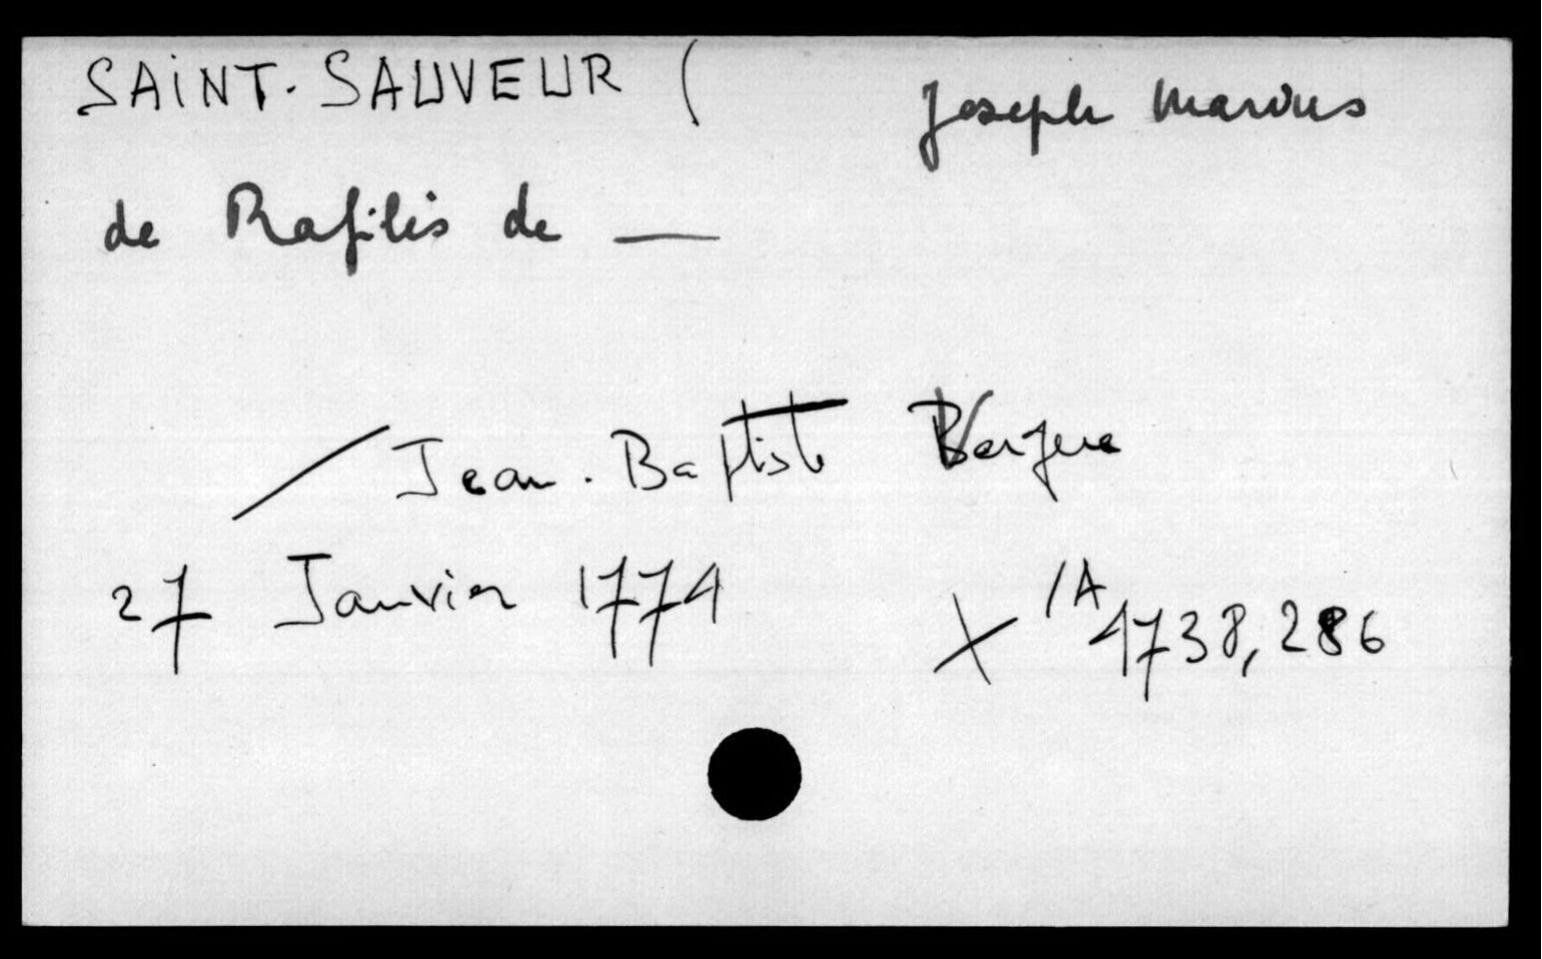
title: SAINT-SAUVEUR (Joseph marvus de Rafilis de
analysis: Contre Jean-Baptiste Vergue
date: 27 janvier 1774
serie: X1A
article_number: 4738
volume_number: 286
